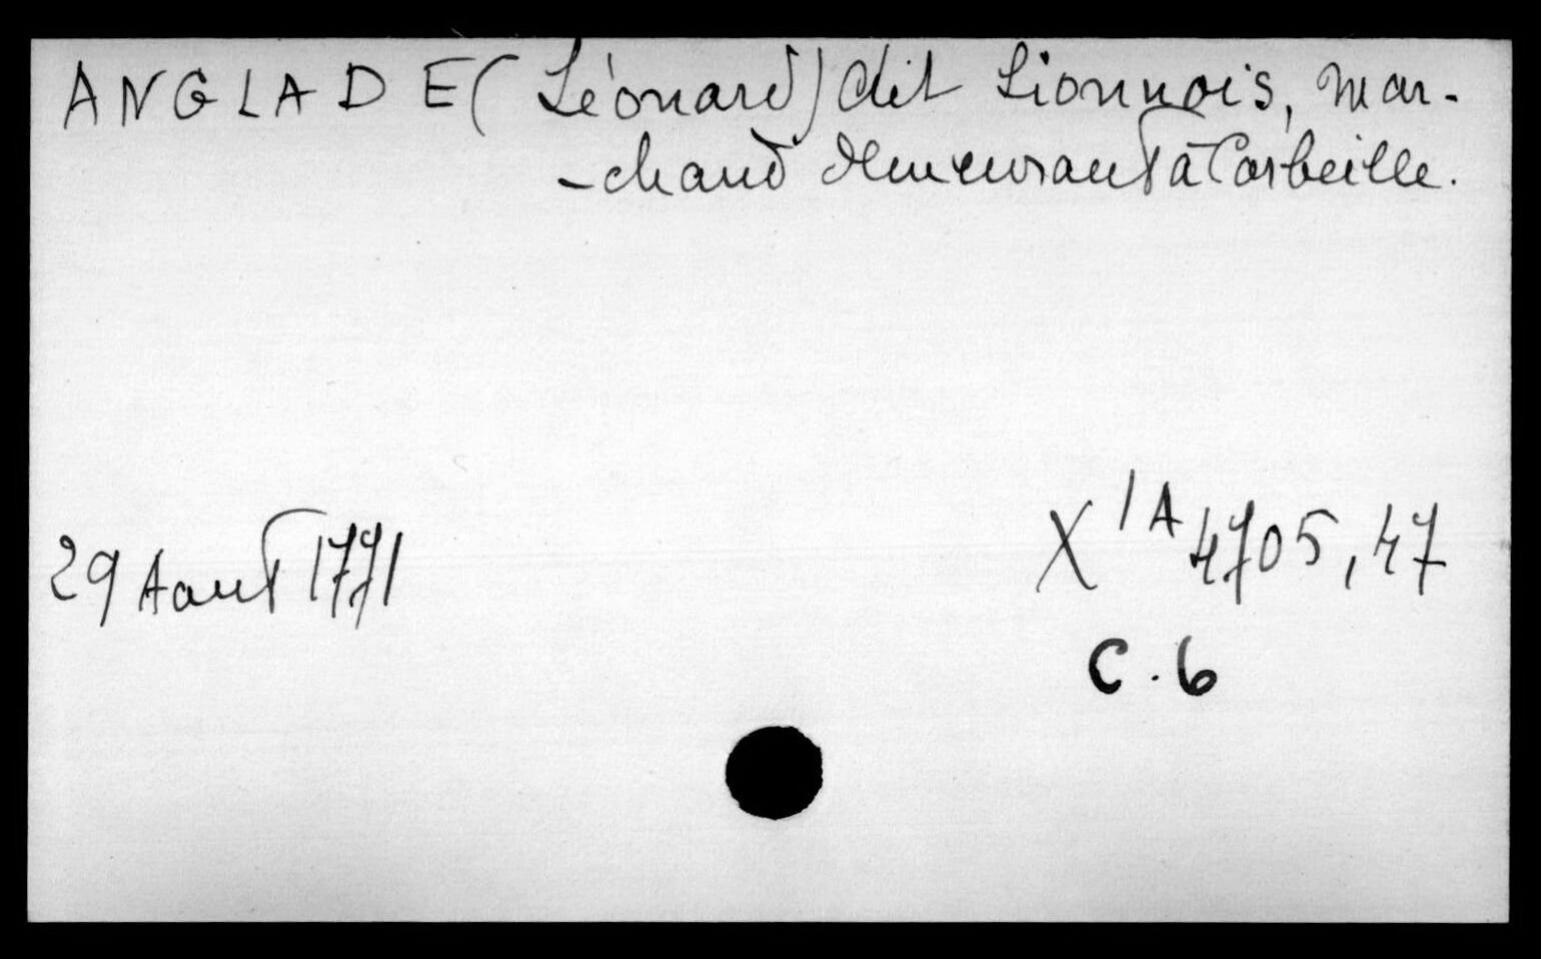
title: ANGLADE (Léonard) dit Lionnois, marchand demeurant à Corbeille
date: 29 août 1771
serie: X1A
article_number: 4705
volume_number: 47 Conseil, 6
